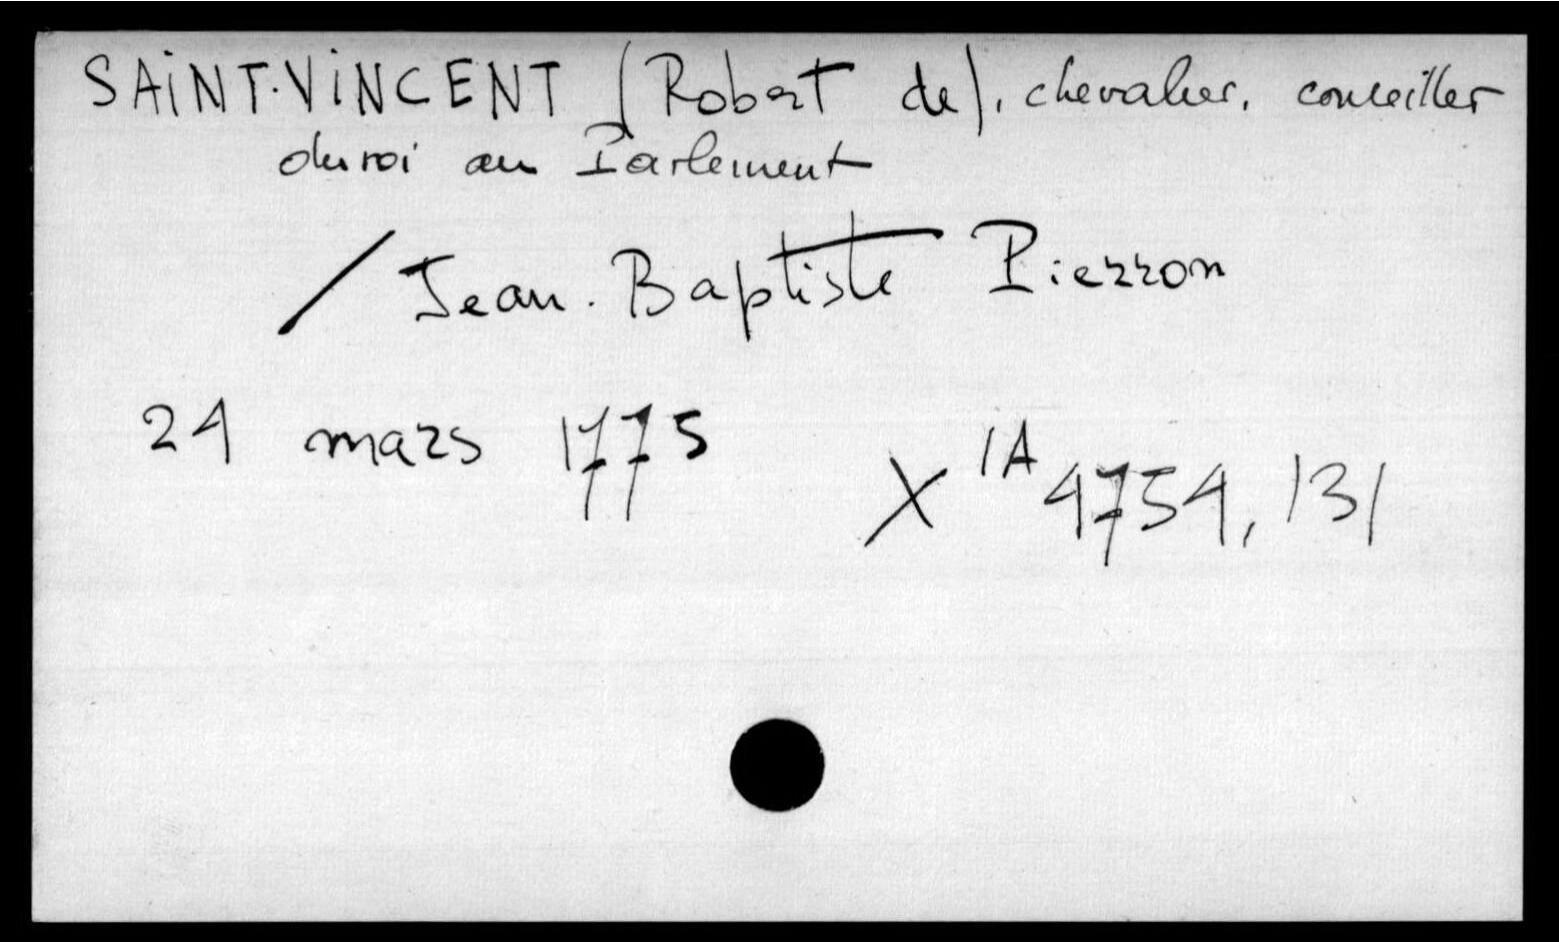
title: SAINT-VINCENT (Robert de), chevalier, conseiller du roi au Parlement
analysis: Contre Jean-Baptiste Pierron
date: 24 mars 1775
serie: X1A
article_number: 4754
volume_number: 131
